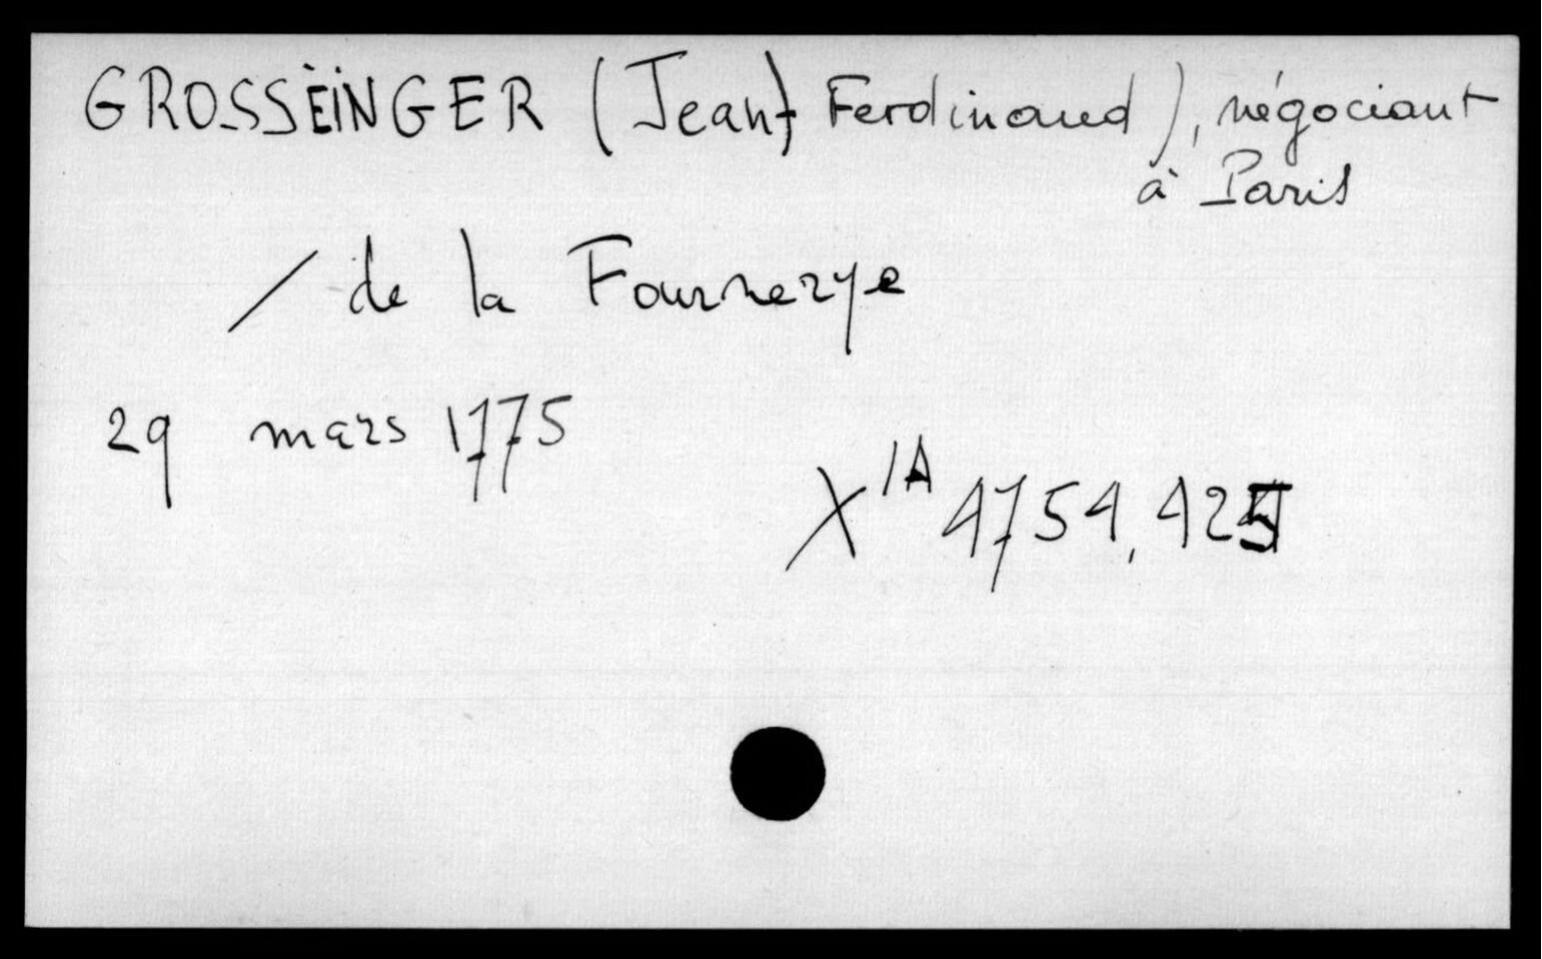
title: GROSSEINGER (Jean-Ferdinand), négociant à Paris
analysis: Contre de la Fournerye
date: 29 mars 1775
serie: X1A
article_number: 4754
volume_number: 425
